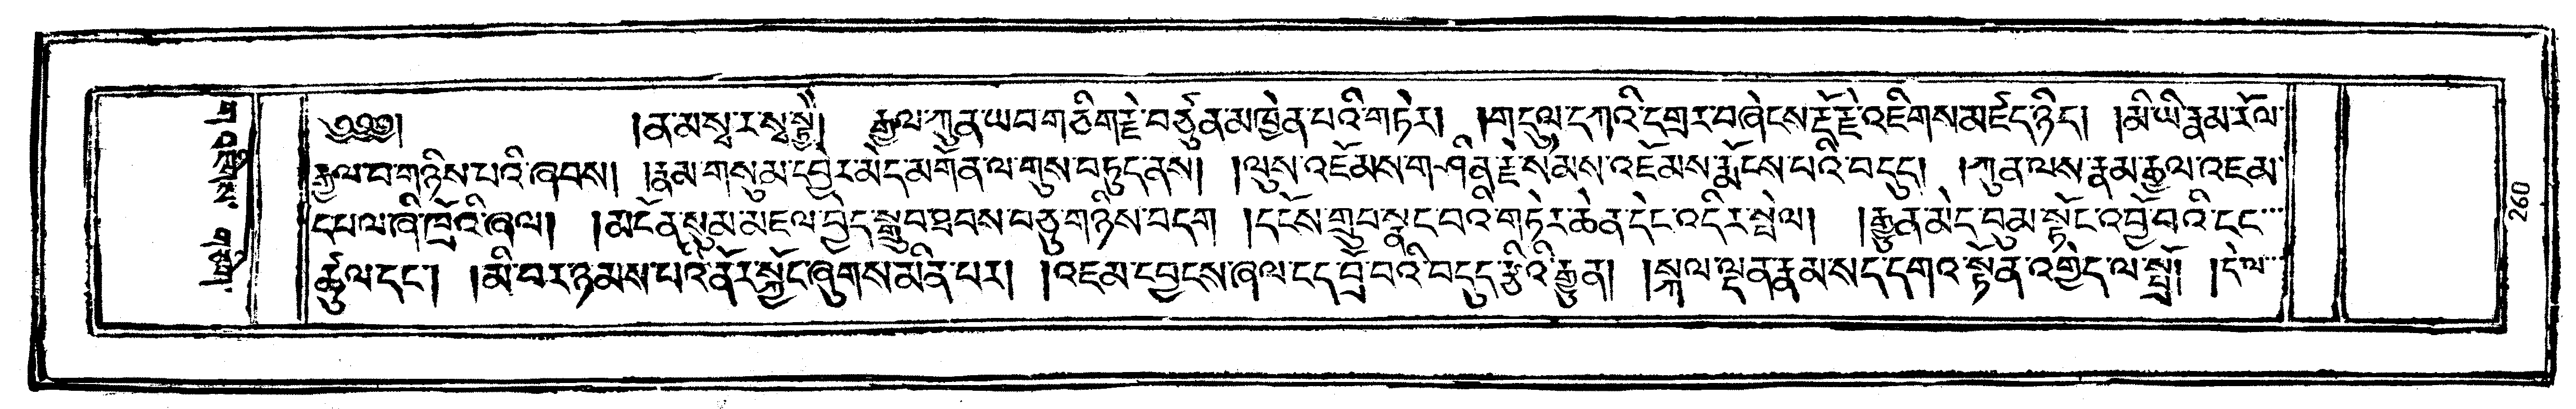༄༅༅། །ན་མ་སྭ་ར་སྭ་སྟྱཻ། རྒྱལ་ཀུན་ཡབ་གཅིག་རྗེ་བཙུན་མཁྱེན་པའི་གཏེར། །གདུལ་དཀའི་དགྲར་བཞེངས་རྡོ་རྗེ་འཇིགས་མཛད་ཉིད། །མི་ཡི་རྣམ་རོལ་
རྒྱལ་བ་གཉིས་པའི་ཞབས། །རྣམ་གསུམ་དབྱེར་མེད་མགོན་ལ་གུས་བཏུད་ནས། །ལུས་འཇོམས་གཤིན་རྗེ་སེམས་འཇོམས་རྨོངས་པའི་བདུད། །ཀུན་ལས་རྣམ་རྒྱལ་འཇམ་
དཔལ་ཞི་ཁྲོའི་ཞལ། །མངོན་སུམ་མཇལ་བྱེད་སྒྲུབ་ཐབས་བཅུ་གཉིས་བདག །དངོས་གྲུབ་སྣང་བའི་གཏེར་ཆེན་དེང་འདིར་སྤེལ། །རྒྱུན་མེད་བུམ་སྟོང་འབྱོ་བའི་ངང་
ཚུལ་དང་། །མི་བར་ཉམས་པའི་ནོར་སྐྱོང་ཞུགས་མིན་པར། །འཇམ་དབྱངས་ཞལ་ངད་བྲོ་བའི་བདུད་རྩིའི་རྒྱུན། །སྐལ་ལྡན་རྣམ་སད་དགའ་སྟོན་འགྱེད་ལ་སྤྲོ། །དེ་ལ་